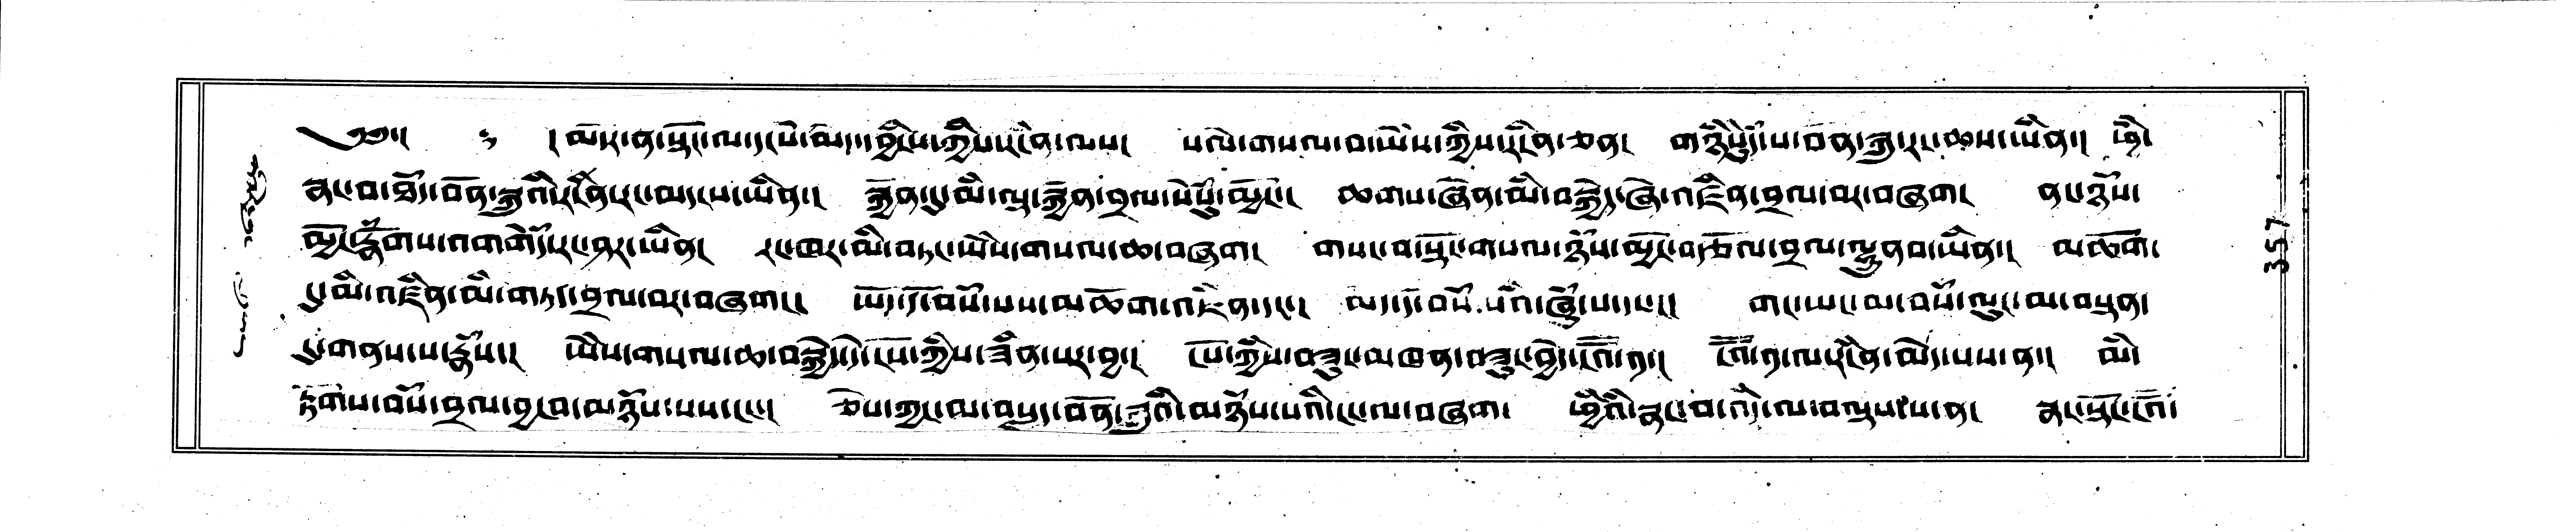མདོར་ན་སྟོང་ལ་དངོས་མེད་དབྱིངས་ཀྱི་རང་བཞིན་ཅན། སལེ་གསལ་བའི་ཡེ་ཤེས་རང་བཞིན་ཅན། གཉིས་སུ་མེད་པ་བོན་སྐུ་རང་ཆས་ཡིན། ཕྱིའི་
སྣང་བ་ཐམས་ཅད་བོན་སྐུའི་རང་གདང་ཡིན། སྐྱོན་དུ་མི་ལྟ་སྐྱོན་བྲལ་ཡེ་ཤེས་ཉམས་སུ་མྱོང་། ཆགས་ཞེན་མི་བསྐྱེད་ཞེ་འཛིན་བྲལ་བར་བཞག་ན། ཉོན་མོངས་ནང་གི་ཉམས་
མྱོང་མ་རྟོགས་འགག་མེད་རང་ཤར་ཡིན། རང་ཁར་མི་བཏང་ཡེ་ཤེས་གསལ་བར་བཞག གསལ་བ་སྟོང་གསལ་ཉམས་མྱོང་རྩོལ་བྲལ་ལྷུན་གྲུབ་ཡིན། མཆོག་
ཏུ་མི་འཛིན་དམིགས་གཏད་བྲལ་བར་བཞག ཡོད་དོ་བསམ་པའི་མཆོག་འཛིན་དང། མེད་དོ་བསམ་པའི་ཞུམ་པ་དང། གང་ཡང་མི་བསམ་ལུང་མ་བསྟན་
དུ་གནས་པ་རྣམས། ཡེ་ཤེས་གསལ་ཆར་བསྐྱེད་སྟེ་ངོས་ཀྱིས་ཟིན་པར་བྱ། ངོས་ཀྱིས་བཟུང་མཁན་བཟུངས་བྱེད་ཀྱིས་ངོའོ་ཅིག ངོའོ་ཅིག་ལ་རང་བཞིན་མེད་པས་ན། མི་
རྟོག་བསམ་བྲལ་བྱང་ཆུབ་མཉམ་པའི་ངང་། ཅིས་ཀྱང་མ་བསླད་བོན་སྐུའི་ངང་དུ་བཞག ཕྱིའི་སྣང་བ་འདི་ལ་བལྟས་བན་ན། སྣང་སྟོང་ངོའོ་